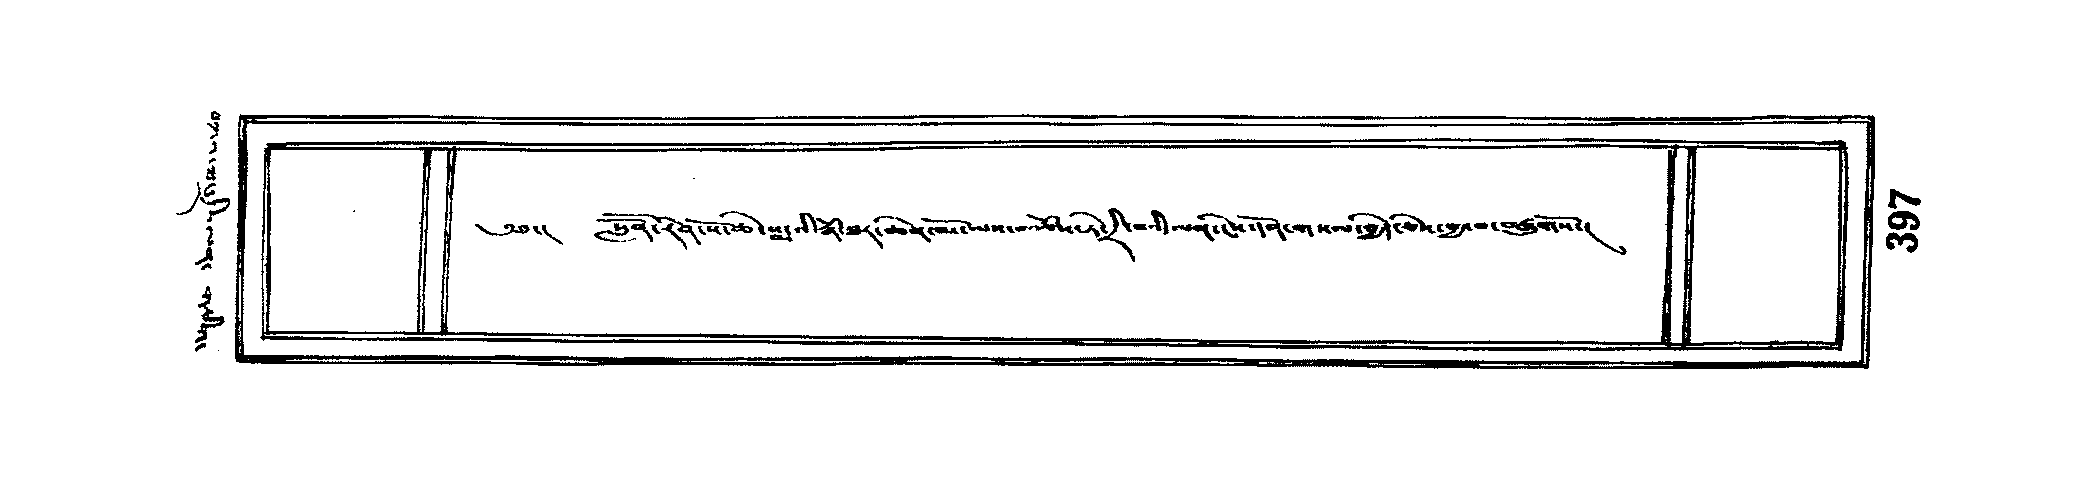༄༅། སློབ་དཔོན་རིན་པོ་ཆེ་པདྨའི་རྣམ་ཐར་ཆེན་མོ་ལས་བརྩམས་ཏེ་དྲི་བའི་ལན་ངེས་དོན་གསལ་བྱེད་ཅེས་བྱ་བ་བཞུགས་སོ།